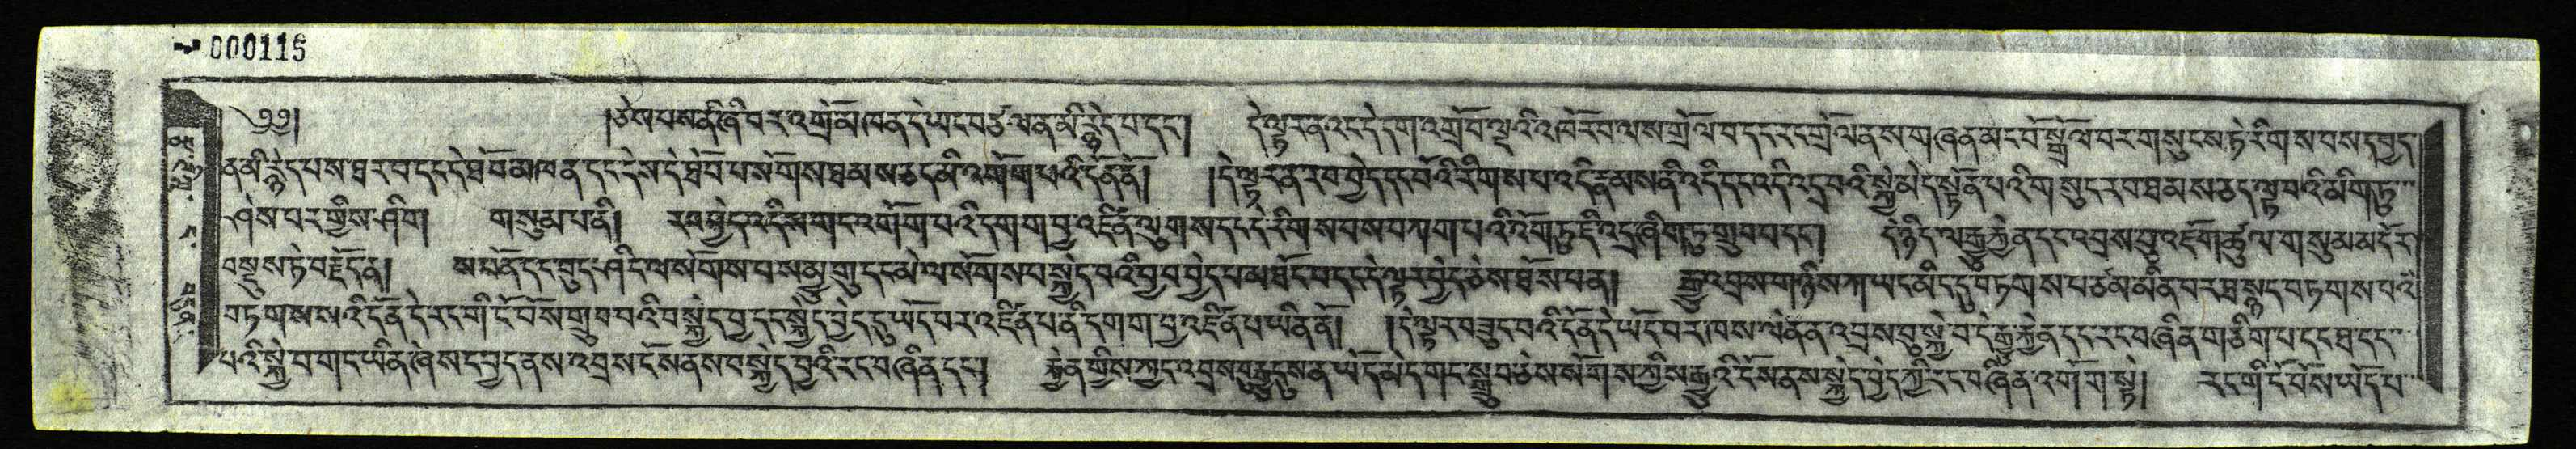༄༅། །ཅེས་པས་ནི་ཞི་བར་འགྲོ་མཁན་དེ་ཡང་བཙལ་ན་མི་རྙེད་པ་དང་། དེ་ལྟར་ནའང་དེ་དག་འགྲོ་བ་ལྔའི་འཁོར་བ་ལས་གྲོལ་བ་དང་རང་གྲོལ་ནས་གཞན་མང་པོ་སྒྲོལ་བར་གསུངས་ཏེ་རིགས་པས་དཔྱད་
ན་མི་རྙེད་པས་ཐར་པ་དང་དེ་ཐོབ་མཁན་དང་དེས་དེ་ཐོབ་པ་སོགས་ཐམས་ཅད་མི་འགོག་པའི་དོན་ནོ། །དེ་ལྟར་ན་རབ་བྱེད་དང་པོའི་རིགས་པ་འདི་རྣམས་ནི་འདི་དང་འདི་འདྲ་བའི་སྐྱེ་མེད་སྟོན་པའི་གསུང་རབ་ཐམས་ཅད་ལྟ་བའི་མིག་ཏུ་
ཤེས་པར་གྱིས་ཤིག་གསུམ་པ་ནི། རབ་བྱེད་འདིས་གང་འགོག་པའི་དགག་བྱ་འཛིན་ལུགས་དང་དེ་རིགས་པས་བཀག་པའི་འོག་ཏུ་ཇི་འདྲ་ཞིག་ཏུ་གྲུབ་པ་དང་། དེ་ཉིད་ལ་རྒྱུ་རྐྱེན་དང་འབྲས་བུ་འཇོག་ཚུལ་གསུམ་མདོར་
བསྡུས་ཏེ་བརྗོད་ན། ས་བོན་དང་བུད་ཤིང་ལ་སོགས་པས་མྱུ་གུ་དང་མེ་ལ་སོགས་པ་སྐྱེད་པའི་བྱ་བ་བྱེད་པ་མཐོང་བ་དང་དེ་ལྟར་བྱེད་ཅེས་ཐོས་པ་ན། རྒྱུ་འབྲས་གཉིས་ཀ་ཡང་མིང་དུ་བཏགས་པ་ཙམ་མིན་པར་ཐ་སྙད་བཏགས་པའི་
བཏགས་སའི་དོན་དེ་རང་གི་ངོ་བོས་གྲུབ་པའི་བསྐྱེད་བྱ་དང་སྐྱེད་བྱེད་དུ་ཡོད་པར་འཛིན་པ་ནི་དགག་བྱ་འཛིན་པ་ཡིན་ནོ། །དེ་ལྟར་བཟུང་བའི་དོན་དེ་ཡོད་པར་ཁས་ལེན་ན་འབྲས་བུ་སྐྱེ་བ་དེ་རྒྱུ་རྐྱེན་དང་རང་བཞིན་གཅིག་པ་དང་ཐ་དད་
པའི་སྐྱེ་བ་གང་ཡིན་ཞེས་དཔྱད་ནས་འབྲས་ངོས་ནས་བསྐྱེད་བྱའི་རང་བཞིན་དང་། རྐྱེན་གྱིས་ཀྱང་འབྲས་བུ་རྒྱུ་དུས་ན་ཡོད་མེད་གང་སྒྲུབ་ཅེས་སོགས་ཀྱིས་རྒྱུའི་ངོས་ནས་སྐྱེད་བྱེད་ཀྱི་རང་བཞིན་འགོག་སྟེ། རང་གི་ངོ་བོས་ཡོད་པ་